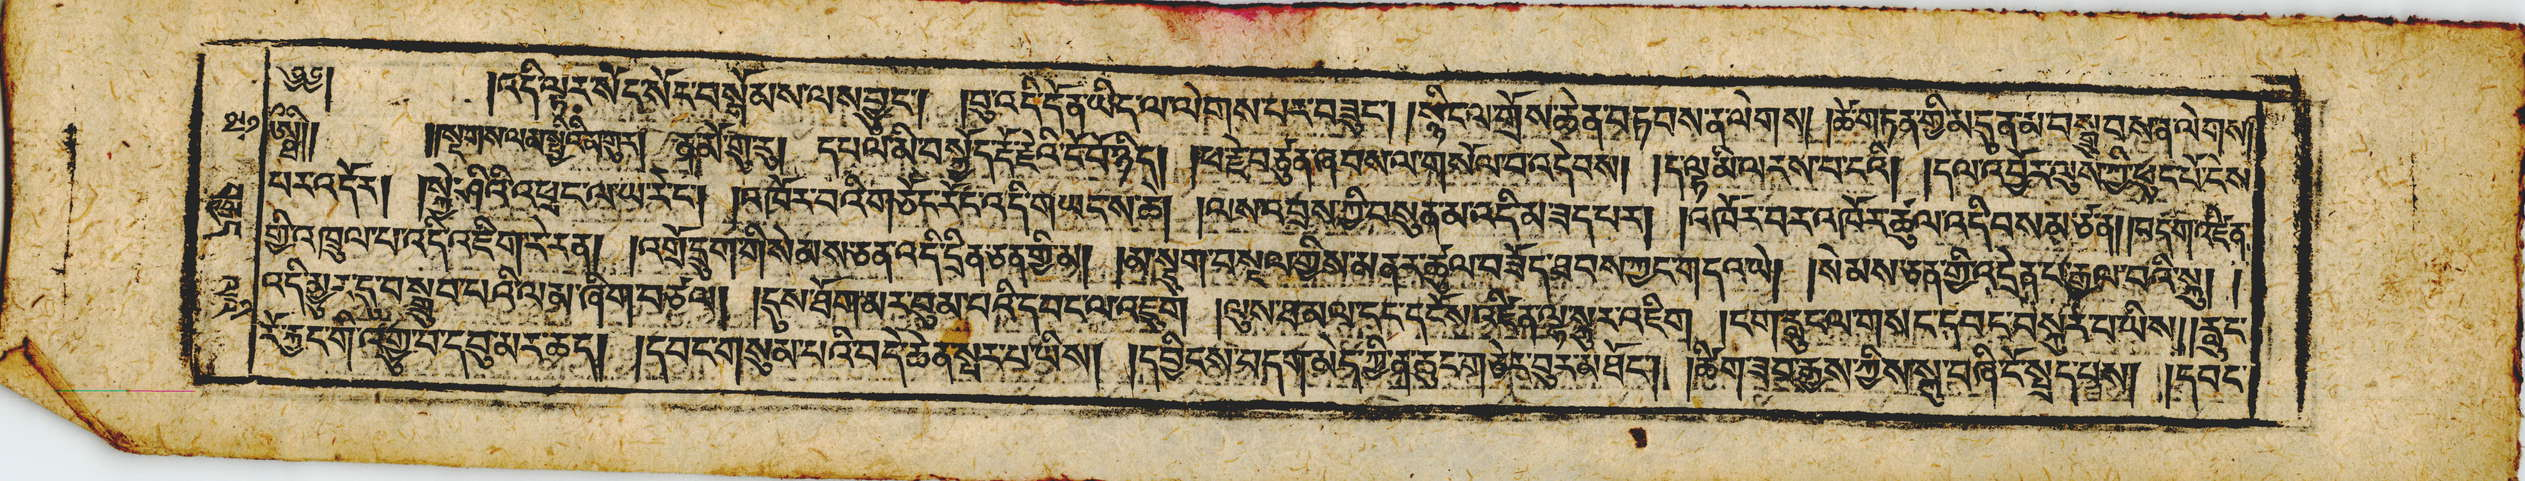འདི་ལྟར་སོང་སོང་བསྒོམས་ལས་བྱུང་། །བུ་འདི་དོན་ཡིད་ལ་ལེགས་པར་བཟུང་། །སྙིང་ལ་གྲོས་ཆེན་བཏབས་ན་ལེགས། །ཚེ་གཏན་གྱི་མདུན་མ་བསྒྲུབས་ན་ལེགས།། 
ཨྠི། ༼སྔགས་ལམ་སྤྱིའི་མགུར།༽ ན་མོ་གུ་རུ། དཔལ་མི་བསྐྱོད་རྡོ་རྗེའི་ངོ་བོ་ཉིད། །ཕ་རྗེ་བཙུན་ཞབས་ལ་གསོལ་བ་འདེབས། །ད་ལྟ་མི་ལ་རས་པ་ངའི། །དལ་འབྱོར་ལུས་ཀྱི་ཕུང་པོ་ངེས་
པར་འདོར། །སྐྱེ་ཤིའི་འཕྲང་ལ་ཡ་རེ་ང་། །འཁོར་བའི་གཅོང་རོང་འདི་གཡང་ས་ཆེ། །ལས་འབྲས་ཀྱི་བསུན་མ་འདི་མ་ཟད་པར། །འཁོར་བར་འཁོར་ཚུལ་འདི་བསམ་ཙ་ན།། བདག་འཛིན་
གྱི་འཁྲུལ་པ་འདི་འཇིག་རེ་རན། །འགྲོ་དྲུག་གིསེམས་ཅན་འདི་དྲིན་ཅན་གྱི་མ། །མ་སྡུག་བསྔལ་གྱིས་མནར་ཚུལ་བཟོད་ཐབས་ཀྱང་གདའ་ལེ། །སེམས་ཅན་གྱི་འདྲེན་པ་རྒྱལ་བའི་སྐུ། །
འདི་མྱུར་དུ་བསྒྲུབ་པའི་ལམ་ཞིག་བཙལ། །དུས་ཐོག་མར་བུམ་བའི་དབང་ལ་འཇུག། །ལུས་ཐ་མལ་དང་དངོས་འཛིན་ལྟ་སྐུར་འཇིག །ངག་རླུང་ལ་གསང་དབང་བསྐུར་བ་ཡིས།། རླུང་
རོ་རྐྱང་གི་འགྱུ་བ་དབུ་མར་ཆད། །དབང་གསུམ་པའི་བདེ་ཆེན་སྤར་པ་ཡིས། །དབྱིངས་བདག་མེད་ཀྱི་ན་ཆུང་གཅེར་བུར་མཐོང་། །ཚིག་ཟབ་རྒྱས་ཀྱིས་སྐུ་བཞི་ངོ་སྤྲད་པས། །དབང་